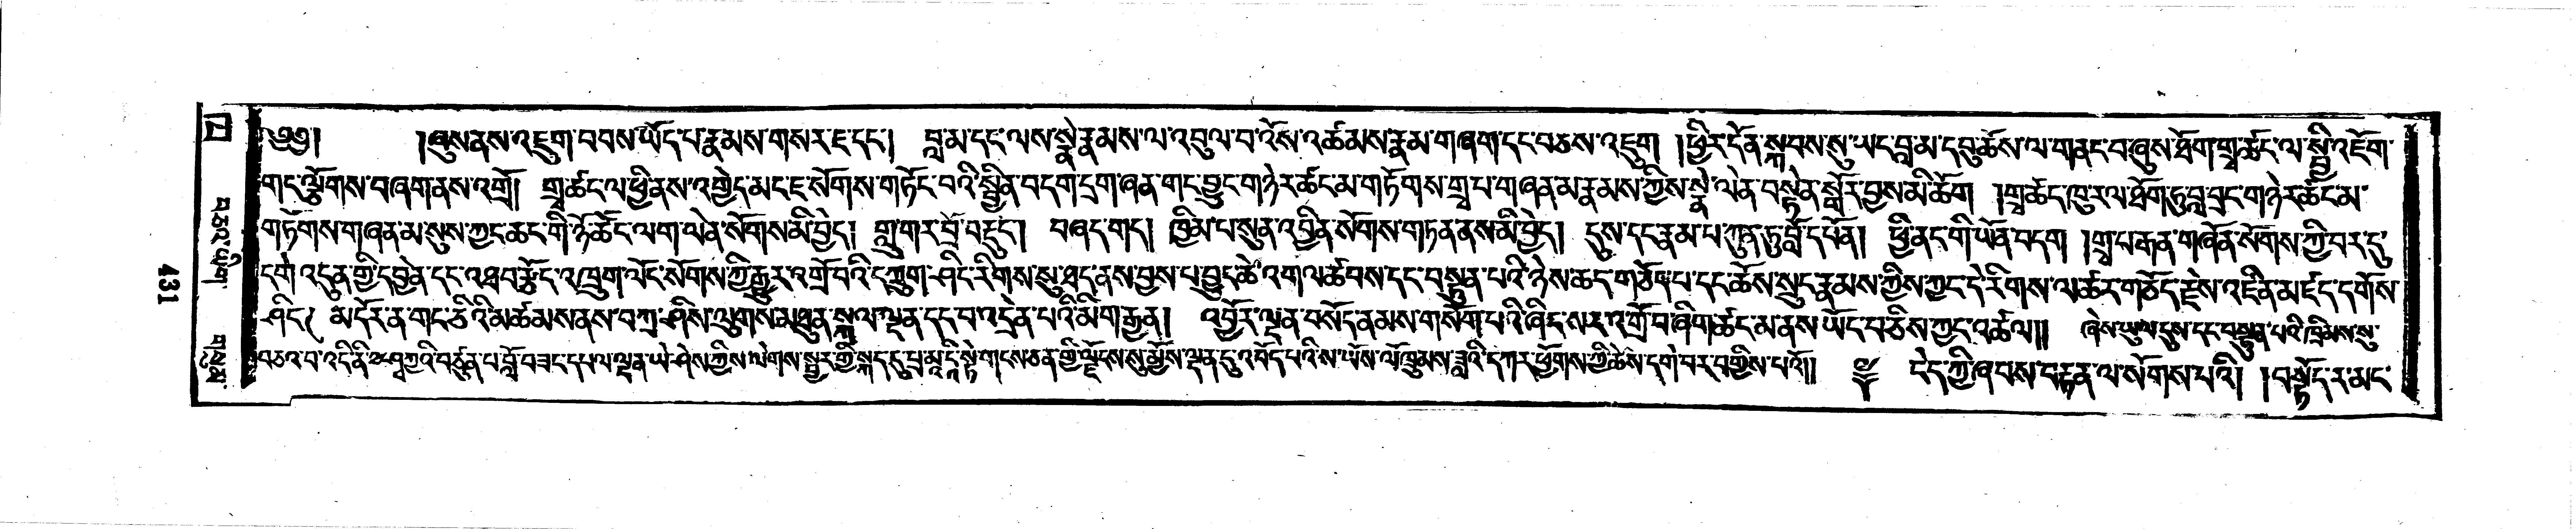༄༅། །ཞུས་ནས་འཇུག་བབས་ཡོད་པ་རྣམས་གསར་ཇ་དང་། བླ་མ་དང་ལས་སྣེ་རྣམས་ལ་འབུལ་བ་འོས་འཚམས་རྣམ་གཞག་དང་བཅས་འཇུག །ཕྱིར་དོན་སྐབས་སུ་ཡང་བླ་མ་དབུ་ཆོས་ལ་གནང་བ་ཞུས་ཐོག་གྲྭ་ཚང་ལ་སྦྱི་འཇོག་
གང་ལྕོགས་བཞག་ནས་འགྲོ། གྲྭ་ཚང་ལ་ཕྱི་ནས་འགྱེད་མང་ཇ་སོགས་གཏོང་བའི་སྦྱིན་བདག་དྲག་ཞན་གང་བྱུང་གཉེར་ཚང་མ་གཏོགས་གྲྭ་པ་གཞན་མ་རྣམས་ཀྱིས་སྣེ་ལེན་བསྟེན་སྒོར་བྱས་མི་ཆོག །གྲྭ་ཚང་ཁུ་རལ་ཐོག་ཏུ་བླ་བྲང་གཉེར་ཚང་མ་
གཏོགས་གཞན་མ་སུས་ཀྱང་ཆང་གི་ཉོ་ཚོང་ལག་ལེན་སོགས་མི་བྱེད། གླུ་གར་བྲོ་བརྡུང་། བཞད་གད། ཁྱིམ་པ་སུན་འབྱིན་སོགས་གཏན་ནས་མི་བྱེད། དུས་དང་རྣམ་པ་ཀུན་ཏུ་བློ་དཔོན། ཕྱི་ནང་གི་ཡོན་བདག །གྲྭ་པ་རྒན་གཞོན་སོགས་ཀྱི་བར་དུ་
དགེ་འདུན་གྱི་དབྱེན་དང་འཐབ་རྩོད་འཁྲུག་ལོང་སོགས་ཀྱི་རྒྱུར་འགྲོ་བའི་དཀྲུག་ཤིང་རིགས་སུ་ཐད་ནས་བྱས་པ་བྱུང་ཚེ་འགལ་ཚབས་དང་བསྟུན་པའི་ཉེས་ཆད་གཅོད་པ་དང་ཆོས་སྲུང་རྣམས་ཀྱིས་ཀྱང་དེ་རིགས་ལ་ཚར་གཅོད་རྗེས་འཛིན་མཛད་དགོས་
ཤིང༑ མདོར་ན་གང་ཅིའི་མཚམས་ནས་བཀྲ་ཤིས་ལུགས་མཐུན་སྐལ་ལྡན་དང་བ་འདྲེན་པའི་མིག་རྒྱན། འབྱོར་ལྡན་བསོད་ནམས་གསོག་པའི་ཞིང་སར་འགྲོ་བ་ཞིག་ཚང་མ་ནས་ཡོང་པ་ཅིས་ཀྱང་འཚལ།། ཞེས་ཡུལ་དུས་དང་བསྟུན་པའི་ཁྲིམས་སུ་
བཅའ་བ་འདི་ནི་༧་ཤཱཀྱའི་བཙུན་པ་བློ་བཟང་དཔལ་ལྡན་ཡེ་ཤེས་ཀྱིས་ལེགས་སྦྱར་གྱི་སྐད་དུ་པྲ་མཱ་དཱི་སྟེ་གངས་ཅན་གྱི་ལྗོངས་སུ་མྱོས་ལྡན་དུ་འབོད་པའི་ས་ཡོས་ལོ་ཁྲུམས་ཟླའི་དཀར་ཕྱོགས་ཀྱི་ཚེས་དགེ་བར་བགྱིས་པའོ།། ༈ ངེད་ཀྱི་ཞབས་བརྟན་ལ་སོགས་པའི། །བསྟོད་ར་མང་